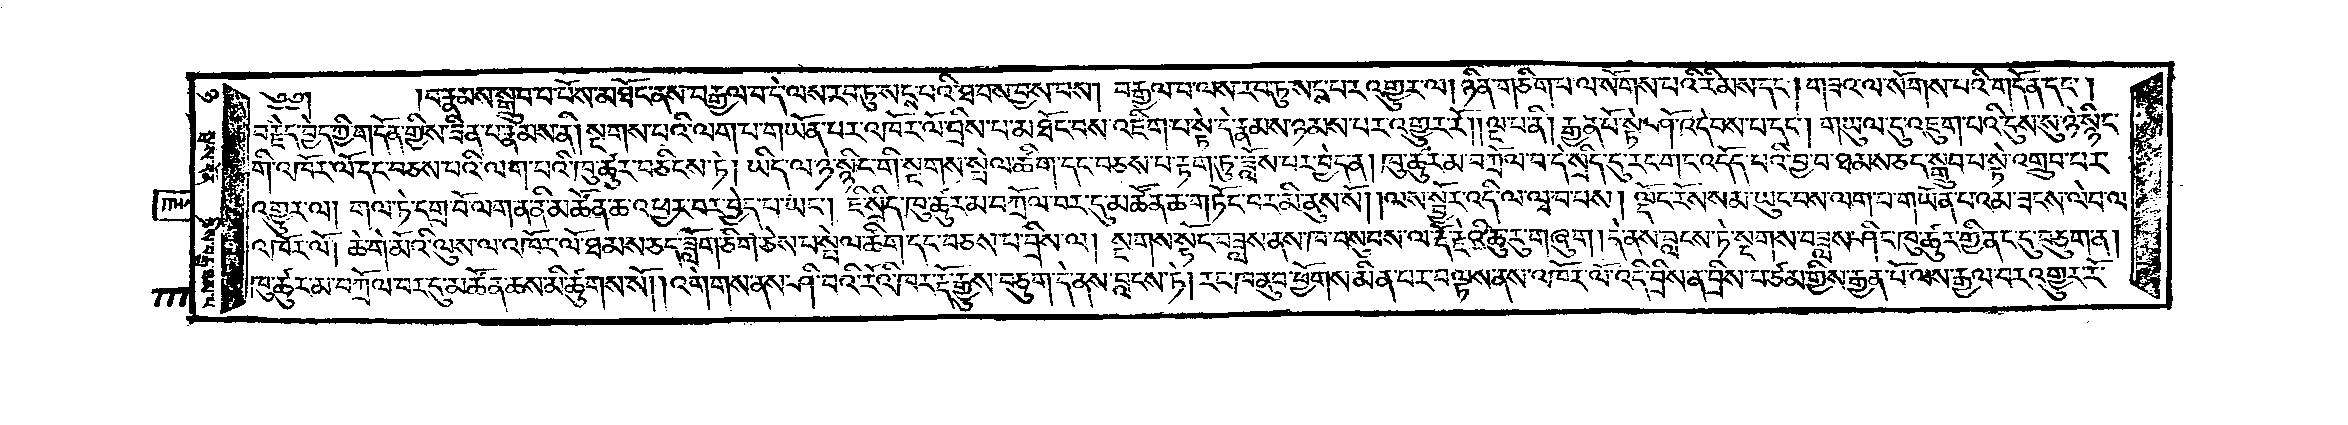༄༅། །བ་རྣམས་སྒྲུབ་པ་པོས་མཐོང་ནས་བརྒྱལ་བ་དེ་ལས་རབ་ཏུ་སངས་པའི་ཐབས་བྱས་པས། བརྒྱལ་བ་ལས་རབ་ཏུ་སངས་པར་འགྱུར་ལ། ཉིན་གཅིག་པ་ལ་སོགས་པའི་རིམས་དང་། གཟའ་ལ་སོགས་པའི་གདོན་དང་།
བརྗེད་བྱེད་ཀྱི་གདོན་གྱིས་ཟིན་པ་རྣམས་ནི། སྔགས་པའི་ལག་པ་གཡོན་པར་འཁོར་ལོ་བྲིས་པ་མཐོང་བས་འཇིག་པ་སྟེ་དེ་རྣམས་ཉམས་པར་འགྱུར་རོ། །ལྔ་པ་ནི། རྒྱན་པོ་སྟེ་ཤོ་འདེབས་པ་དང་། གཡུལ་དུ་འཇུག་པའི་དུས་སུ་ཉེ་སྙིང་
གི་འཁོར་ལོ་དང་བཅས་པའི་ལག་པའི་ཁུ་ཚུར་བཅིངས་ཏེ། ཡིད་ལ་ཉེ་སྙིང་གི་སྔགས་སྤེལ་ཚིག་དང་བཅས་པ་རྟག་ཏུ་ཟློས་པར་བྱེད་ན། ཁུ་ཚུར་མ་བཀྲོལ་བ་དེ་སྲིད་དུ་རང་གང་འདོད་པའི་བྱ་བ་ཐམས་ཅད་སྒྲུབ་པ་སྟེ་འགྲུབ་པར་
འགྱུར་ལ། གལ་ཏེ་དགྲ་བོ་ལག་ན་ནི་མཚོན་ཆ་འཕྱར་བར་བྱེད་པ་ཡང་། ཇི་སྲིད་ཁུ་ཚུར་མ་བཀྲོལ་བར་དུ་མཚོན་ཆ་གཏོང་བར་མི་ནུས་སོ། །ལས་སྦྱོར་འདི་ལ་ལྭ་བ་པས། ལྡོང་རོས་སམ་ཡུང་བས་ལག་པ་གཡོན་པ་འམ་ཟངས་ལེབ་ལ་
འཁོར་ལོ། ཆེ་གེ་མོའི་ལུས་ལ་འཁོར་ལོ་ཐམས་ཅད་ཟློག་ཅིག་ཅེས་པ་སྤེལ་ཚིག་དང་བཅས་པ་བྲིས་ལ། སྔགས་སྟོང་བཟླས་ནས་ཁ་བསུབས་ལ་རྡོ་རྗེའི་ཆུ་རུ་གཞུག །དེ་ནས་བླངས་ཏེ་སྔགས་བཟླས་ཤིང་ཁུ་ཚུར་གྱི་ནང་དུ་བཅུག་ན།
ཁུ་ཚུར་མ་བཀྲོལ་བར་དུ་མཚོན་ཆས་མི་ཚུགས་སོ། །འགེགས་ནས་ཤི་བའི་རོའི་ཁར་རྡོ་རྒྱུས་བཅུག་དེ་ནས་བླངས་ཏེ། རང་ཁ་ནུབ་ཕྱོགས་མིན་པར་བལྟས་ནས་འཁོར་ལོ་འདི་བྲིས་ན་བྲིས་པ་ཙམ་གྱིས་རྒྱན་པོ་ལས་རྒྱལ་བར་འགྱུར་རོ་